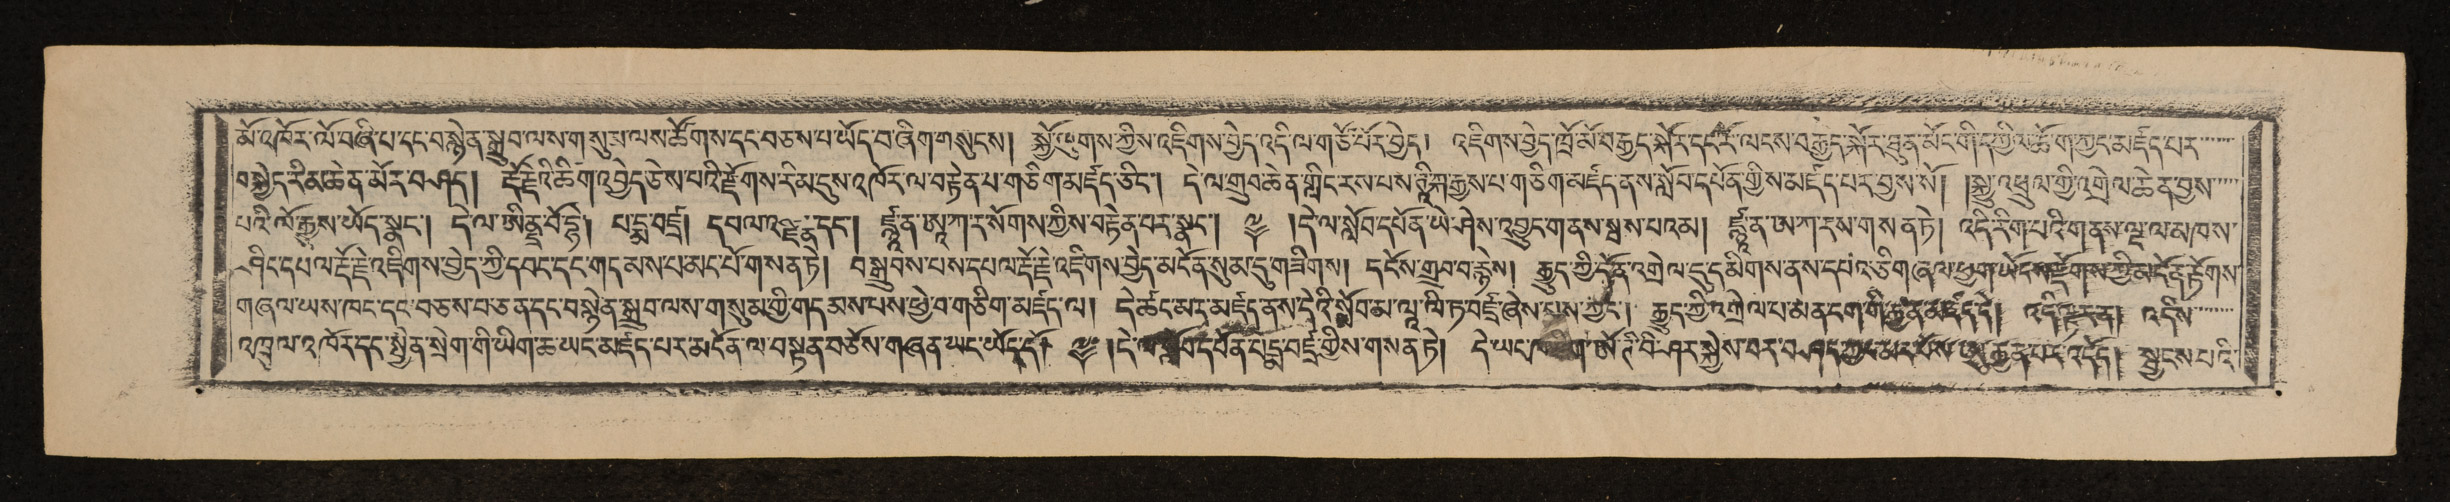མོ་འཁོར་ལོ་བཞི་པ་དང་བསྙེན་སྒྲུབ་ལས་གསུམ་ལས་ཚོགས་དང་བཅས་པ་ཡོད་པ་ཞིག་གསུངས། སྐྱོ་ལུགས་ཀྱིས་འཇིགས་བྱེད་འདི་ལ་གཙོ་བོར་བྱེད། འཇིགས་བྱེད་ཁྲོ་མོ་བརྒྱད་སྐོར་དང་རོ་ལངས་བརྒྱད་སྐོར་ཐུན་མོང་གི་དཀྱིལ་ཆོག་ཀྱང་མཛད་པར་
བསྐྱེད་རིམ་ཆེན་མོར་བཤད། རྡོ་རྗེའི་ཚིག་འབྱེད་ཅེས་པའི་རྫོགས་རིམ་དུས་འཁོར་ལ་བརྟེན་པ་གཅིག་མཛད་ཅིང་། དེ་ལ་གྲུབ་ཆེན་གླིང་རས་པས་ཊཱིཀྐ་རྒྱས་པ་གཅིག་མཛད་ནས་སློབ་དོན་གྱིས་མཛད་པར་བྱས་སོ། །སྒྱུ་འཕྲུལ་གྱི་འགྲེལ་ཆེན་བྱས་
པའི་ལོ་རྒྱུས་ཡོད་སྣང༑ དེ་ལ་ཨིནྡྲ་བོ་དྷི། པདམ་བཛྲ། དཔལ་འཛིན་དང་། ཛྙཱ་ན་ཨཱ་ཀ་ར་སོགས་ཀྱིས་བརྟེན་པར་སྣང་། ༈ །དེ་ལ་སློབ་དཔོན་ཡེ་ཤེས་འབྱུང་གནས་སྦས་པའམ། ཛྙཱ་ན་ཨ་ཀ་རས་གསན་ཏེ། འདི་རིག་པའི་གནས་ལྔ་ལ་མཁས་
ཤིང་དཔལ་རྡོ་རྗེ་འཇིགས་བྱེད་ཀྱི་དབང་དང་གདམས་པ་མང་པོ་གསན་ཏེ། བསྒྲུབས་པས་དཔལ་རྡོ་རྗེ་འཇིགས་བྱེད་མངོན་སུམ་དུ་གཟིགས། དངོས་གྲུབ་བརྙེས། རྒྱུད་ཀྱི་དོན་འགྲེལ་དུ་དམིགས་ནས་དཔའ་ཅིག་ཞལ་ཕྱག་ཡོངས་རྫོགས་ཀྱི་མངོན་རྟོགས་
གཞལ་ཡས་ཁང་དང་བཅས་པ་ཅན་དང་བསྙེན་སྒྲུབ་ལས་གསུམ་གྱི་གདམས་པས་ཕྱེ་བ་གཅིག་མཛད་ལ། དེ་ཚད་མར་མཛད་ནས་དེའི་སློབ་མ་ལཱ་ལི་ཏ་བཛྲ་ཞེས་པས་ཀྱང་། རྒྱུད་ཀྱི་འགྲེལ་པ་མན་ངག་གི་རྒྱན་མཛད་དེ། འདི་ལྟར་ན། འདིས་
འཁྲུལ་འཁོར་དང་སྦྱིན་སྲེག་གི་ཡིག་ཆ་ཡང་མཛད་པར་མངོན་ལ་བསྟན་བཅོས་གཞན་ཡང་ཡོད་དོ། ༈ །དེ་ལ་སློབ་དཔོན་པདམ་བཛྲ་གྱིས་གསན་ཏེ། དེ་ཡང་ཁ་ཅིག་ཨོ་ཊི་བི་ཤར་སྐྱེས་བར་བཤད་ཀྱང་མང་པོས་ཨུ་རྒྱན་པར་འདོད། སྦྱངས་པའི་